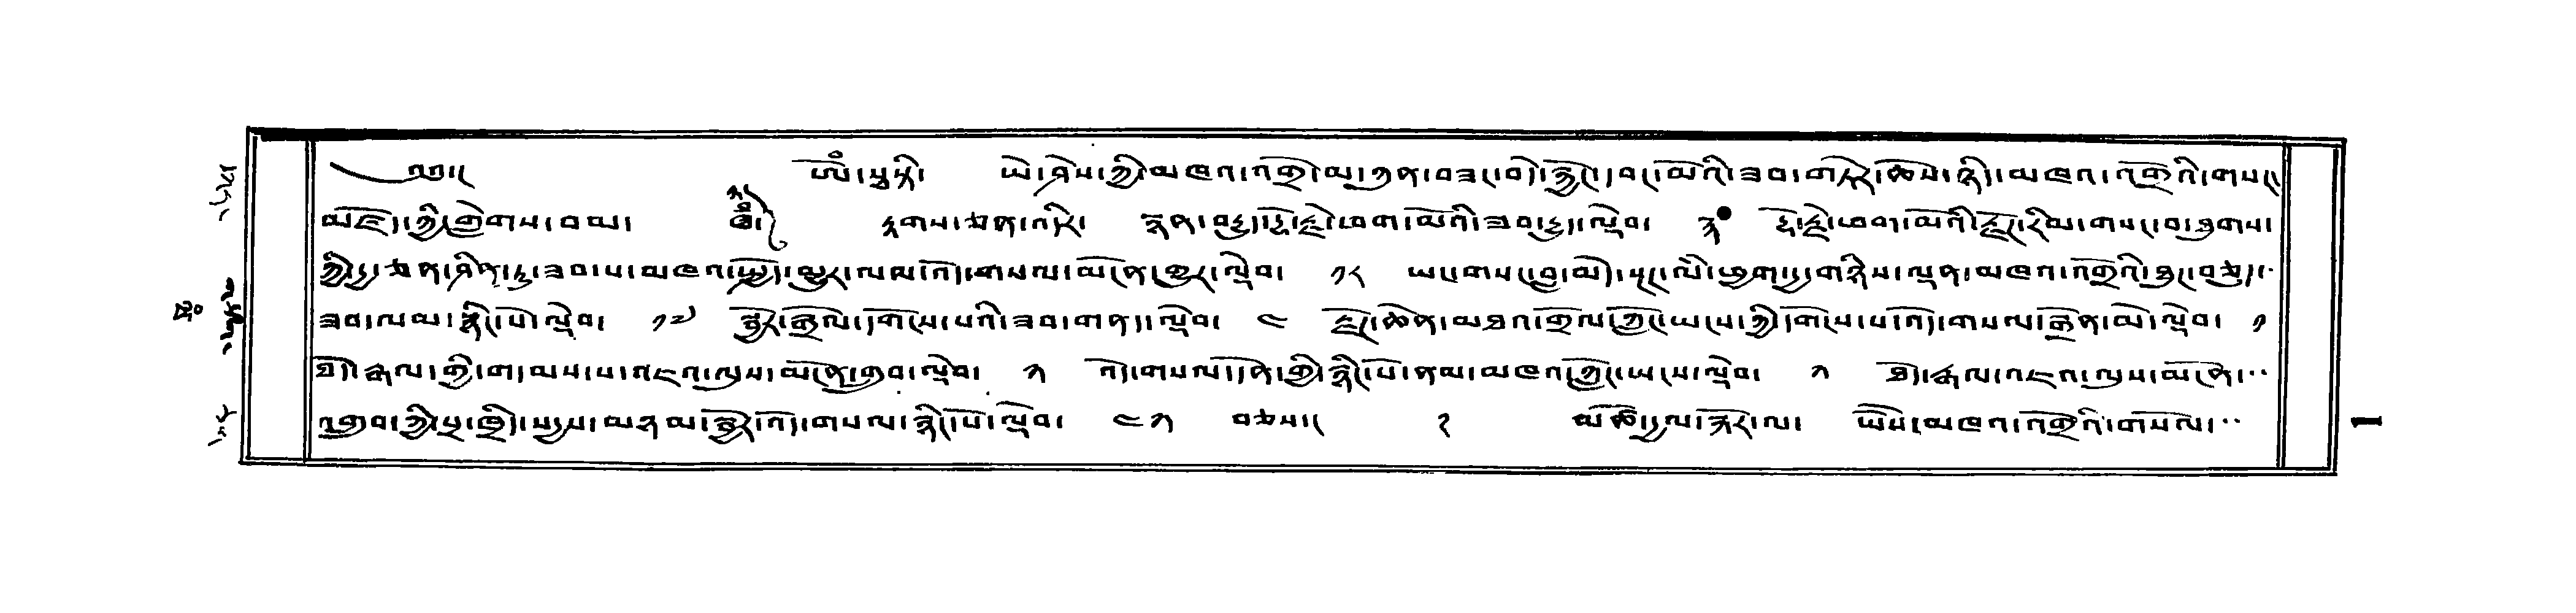༄༅།། ཨོཾ་སྭ་སྟི། ཡེ་ཤེས་ཀྱི་མཁའ་གྲོ་མ་ཀུན་བཟང་བདེ་སྐྱོང་དབང་མོའི་ཟབ་གཏེར་ཆོས་ཉིད་མཁའ་འགྲོའི་གསང་
མཛོད་ཀྱི་གླེགས་བམ། ཝཾ༽རྟགས་ཅན་འདིར། སྙན་བརྒྱུད་རྡོ་རྗེ་ཕག་མོའི་ཟབ་རྒྱུད་ལྡེབ། རྡོ་རྗེ་ཕག་མོའི་རྫོགས་རིམ་གསང་བ་ཐུགས་
ཀྱི་རྒྱ་ཅན་ཤིན་ཏུ་ཟབ་པ་མཁའ་སྤྱོད་མྱུར་ལམ་འོད་གསལ་མངོན་གྱུར་ལྡེབ། ཡང་གསང་བླ་མེད་སྔགས་ལམ་ཕྱག་རྒྱ་གཉིས་ལྡན་མཁའ་འགྲོའི་ཐུགས་བཅུད་
ཟབ་ལམ་སྙིང་པོ་ལྡེབ། སྦྱོར་སྒྲོལ་དགོངས་པའི་ཟབ་གནད་ལྡེབ། རྫོགས་ཆེན་མཐའ་གྲོལ་ཀློང་ཡངས་ཀྱི་དགོངས་པ་འོད་གསལ་སྒྲོན་མེ་ལྡེབ། 
ཐོད་རྒལ་གྱི་གདམས་པ་འཇའ་ལུས་མངོན་གྲུབ་ལྡེབ། འོད་གསལ་དོན་གྱི་སྙིང་པོ་ནམ་མཁའ་ཀློང་ཡངས་ལྡེབ། ཐོད་རྒལ་འཇའ་ལུས་མངོན་
འགྲུབ་ཀྱི་པྲ་ཁྲིད་སངས་རྒྱས་མཉམ་སྦྱོར་འོད་གསལ་སྙིང་པོ་ལྡེབ། བཅས། ༈ མཚོ་རྒྱལ་སྐོར་ལ། ཡེ་ཤེས་མཁའ་འགྲོའི་གསོལ་